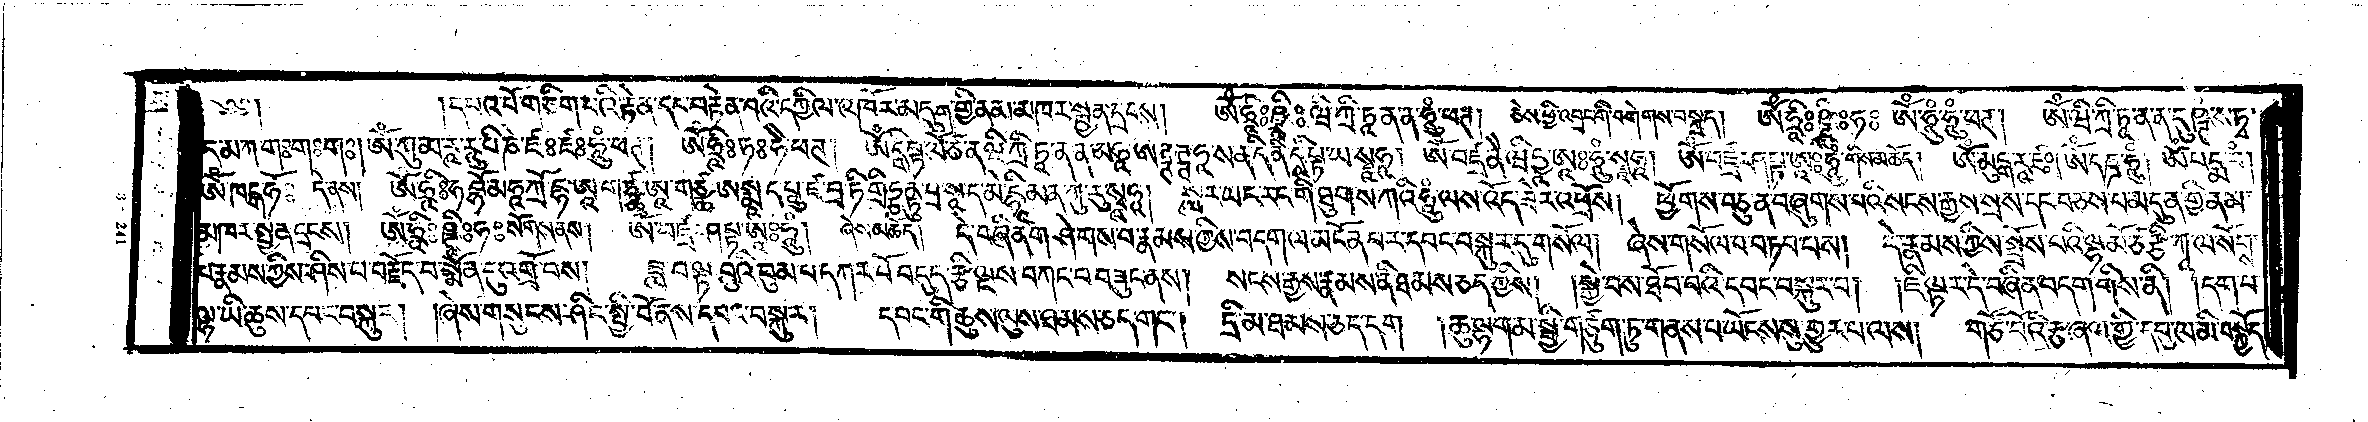༄༅། །དཔའ་བོ་གཅིག་པའི་རྟེན་དང་བརྟེན་བའི་དཀྱིལ་འཁོར་མདུག་གྱི་ནམ་མཁར་སྤྱན་དྲངས། ཨོཾ་ཧྲཱིཿཥྚྲཱིཿཝི་ཀྲི་ཏཱ་ན་ན་ཧཱུཾ་ཕཌ། ཅེས་ཕྱི་འབྲང་གི་བགེགས་བསྐྲད།  ཨོཾ་ཧྲཱིཿཥྚྲིཿཧཿ ཨོཾ་ཧཱུཾ་ཧཱུཾ་ཕཌ། ཨོཾ་ཝི་ཀྲི་ཏཱ་ན་ན་དུཥྜཾ་སཏྭ་
ད་མ་ཀ་གཿགཿགཿ། ཨོཾ་ཀུ་མ་རཱ་རཱུ་པི་ཎེ་ཛཿཛཿཧཱུཾ་ཕཌ། ཨོཾ་ཧྲཱིཿཏཿཧཻ་ཕཌ། ཨོཾ་དཱི་བྷ་ལོ་ཙན་ཝི་ཀྲི་ཏཱ་ནན་མཧཱ་ཨཊྚཊྚ་ཧཱ་ས་ན་དི་ནི་དཱཔྟི་ཡ་སྭཱཧཱ། ཨོཾ་བཛྲ་ནཻ་ཝི་དྱཱ་ཨཱཿཧཱུཾ་སྭཱཧཱ། ཨོཾ་བཛྲ་ཤཔྟ་ཨཱཿཧཱུཾ་གིས་མཆོད། ཨོཾ་མུངྒ་རཱ་ཛཿ། ཨོཾ་དཎྜ་ཧཱུཾ། ཨོཾ་པདམ་བཾ།
ཨོཾ་ཁངྒ་ཧོཿ དེ་ནས།  ཨོཾ་ཧྲཱིཿཧ་བྷོ་མཧཱ་ཀྲོ་དྷ་ཨཱ་གཙྪ་ཨཱ་གཙྪ་ཨསྨཱ་དཔཱུ་ཛ་བྲ་ཏི་གྲིཎ་ནྟུ་པྲ་སཱ་ད་མེ་དྷི་མན་ཀུ་རུ་སྭཱཧཱ། སླར་ཡང་རང་གི་ཐུགས་ཀའི་ཧཱུཾ་ལས་འོད་ཟེར་འཕྲོས། ཕྱོགས་བཅུན་བཞུགས་པའི་སངས་རྒྱས་པའི་སྲས་དང་བཅས་པ་མདུན་གྱི་ནམ་
མཁར་སྤྱན་དྲངས། ཨོཾ་ཧྲཱིཿཥྚིཿཧཿསོགས་ནས། ཨོཾ་བཛྲ་ཤཔྟ་ཨཱཿཧཱུཾ། ཞེས་མཆོད།  དེ་བཞིན་གཤེགས་བ་རྣམས་ཀྱིས་བདག་ལ་མངོན་པར་དབང་བསྐུར་དུ་གསོལ། ཞེས་གསོལ་བ་བཏབ་པས། དེ་རྣམས་ཀྱིས་སྤྲོས་པའི་ལྷ་མོ་ཙ་རྩི་ཀ་ལ་སོགས་
བ་རྣམས་ཀྱིས་ཤིས་པ་བརྗོད་པ་སྨོན་དུ་འགྲོ་བས། ཟླ་བ་ལྟ་བུའི་བུམ་པ་དཀར་པོ་བདུད་རྩི་ལྔས་བཀང་བ་བཟུང་ནས། སངས་རྒྱས་རྣམས་ནི་ཐམས་ཅད་ཀྱིས། །སྐྱེ་བས་ཐོབ་བའི་དབང་བསྐུར་བ། །ཇི་ལྟར་དེ་བཞིན་བདག་གིས་ནི། །དག་པ་
ལྷ་ཡི་ཆུས་དབང་བསྐུར། །ཞེས་གསུངས་ཤིང་སྤྱི་བོ་ནས་དབང་བསྐུར། དབང་གི་ཆུས་ལུས་ཐམས་ཅད་གང་། དྲི་མ་ཐམས་ཅད་དག །ཆུ་ལྷག་མ་སྤྱི་གཙུག་ཏུ་གནས་པ་ཡོངས་སུ་གྱུར་པ་ལས། གཙོ་བོའི་རྩ་ཞལ་གྱི་དབུ་ལ་མི་བསྐྱོད་